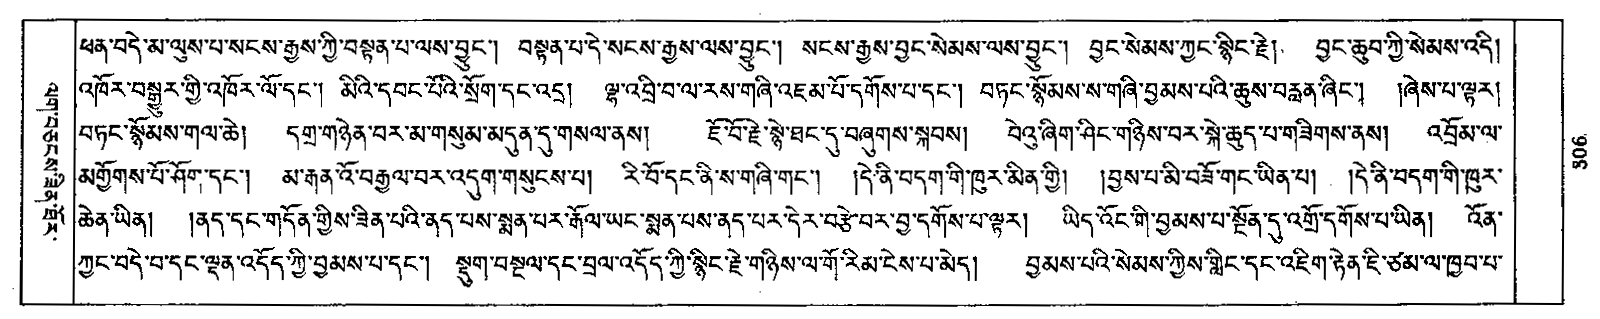ཕན་བདེ་མ་ལུས་པ་སངས་རྒྱས་ཀྱི་བསྟན་པ་ལས་བྱུང་། བསྟན་པ་དེ་སངས་རྒྱས་ལས་བྱུང་། སངས་རྒྱས་བྱང་སེམས་ལས་བྱུང་། བྱང་སེམས་ཀྱང་སྙིང་རྗེ། བྱང་ཆུབ་ཀྱི་སེམས་འདི།
འཁོར་བསྒྱུར་གྱི་འཁོར་ལོ་དང་། མིའི་དབང་པོའི་སྲོག་དང་འདྲ། ལྷ་འབྲི་བ་ལ་རས་གཞི་འཇམ་པོ་དགོས་པ་དང་། བཏང་སྙོམས་ས་གཞི་བྱམས་པའི་ཆུས་བརླན་ཞིང་། །ཞེས་པ་ལྟར།
བཏང་སྙོམས་གལ་ཆེ། དགྲ་གཉེན་བར་མ་གསུམ་མདུན་དུ་གསལ་ནས། ཇོ་བོ་རྗེ་སྙེ་ཐང་དུ་བཞུགས་སྐབས། བེའུ་ཞིག་ཤིང་གཉིས་བར་སྐེ་ཆུད་པ་གཟིགས་ནས། འབྲོམ་ལ་
མགྱོགས་པོ་ཤོག་དང་། མ་རྒན་འོ་བརྒྱལ་བར་འདུག་གསུངས་པ། རི་བོ་དང་ནི་ས་གཞི་གང་། །དེ་ནི་བདག་གི་ཁུར་མིན་གྱི། །བྱས་པ་མི་བཟོ་གང་ཡིན་པ། །དེ་ནི་བདག་གི་ཁུར་
ཆེན་ཡིན། །ནད་དང་གདོན་གྱིས་ཟིན་པའི་ནད་པས་སྨན་པར་རྒོལ་ཡང་སྨན་པས་ནད་པར་དེར་བརྩེ་བར་བྱ་དགོས་པ་ལྟར། ཡིད་འོང་གི་བྱམས་པ་སྔོན་དུ་འགྲོ་དགོས་པ་ཡིན། འོན་
ཀྱང་བདེ་བ་དང་ལྡན་འདོད་ཀྱི་བྱམས་པ་དང་། སྡུག་བསྔལ་དང་བྲལ་འདོད་ཀྱི་སྙིང་རྗེ་གཉིས་ལ་གོ་རིམ་ངེས་པ་མེད། བྱམས་པའི་སེམས་ཀྱིས་གླིང་དང་འཇིག་རྟེན་ཇི་ཙམ་ལ་ཁྱབ་པ་